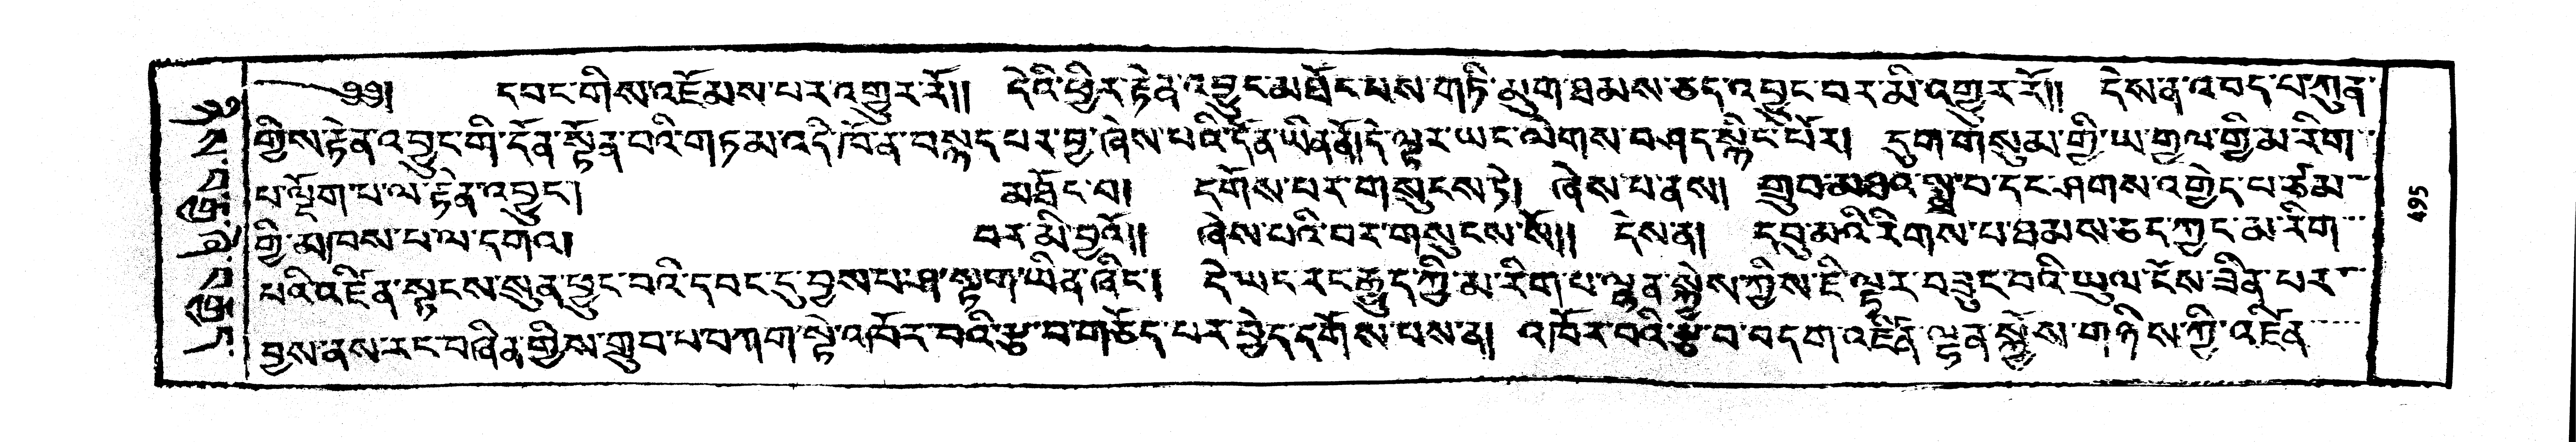༄༅། །དབང་གིས་འཇོམས་པར་འགྱུར་རོ། །དེའི་ཕྱིར་རྟེན་འབྱུང་མཐོང་པས་གཏི་མུག་ཐམས་ཅད་འབྱུང་བར་མི་འགྱུར་རོ། །དེས་ན་འབད་པ་ཀུན་
གྱིས་རྟེན་འབྱུང་གི་དོན་སྟོན་པའི་གཏམ་འདི་ཁོ་ན་བསྙད་པར་བྱ་ཞེས་པའི་དོན་ཡིན་ནོ། དེ་ལྟར་ཡང་ལེགས་བཤད་སྙིང་པོར། དུག་གསུམ་གྱི་ཡ་གྱལ་གྱི་མ་རིག་
པ་ལྡོག་པ་ལ་རྟེན་འབྱུང་། མཐོང་བ། དགོས་པར་གསུངས་ཏེ། ཞེས་པ་ནས། གྲུབ་མཐའ་སྨྲ་བ་དང་ཤགས་འགྱེད་པ་ཙམ་
གྱི་མཁས་པ་ལ་དགའ། བར་མི་བྱའོ། །ཞེས་པའི་བར་གསུངས་སོ། །དེས་ན། དབུ་མའི་རིགས་པ་ཐམས་ཅད་ཀྱང་མ་རིག་
པའི་འཛིན་སྟངས་སུན་ཕྱུང་བའི་དབང་དུ་བྱས་པ་ཤ་སྟག་ཡིན་ཞིང་། དེ་ཡང་རང་རྒྱུད་ཀྱི་མ་རིག་པ་ལྷན་སྐྱེས་ཀྱིས་ཇི་ལྟར་བཟུང་བའི་ཡུལ་ངོས་ཟིན་པར་
བྱས་ནས་རང་བཞིན་གྱིས་གྲུབ་པ་བཀག་སྟེ་འཁོར་བའི་རྩ་བ་གཅོད་པར་བྱེད་དགོས་པས་ན། འཁོར་བའི་རྩ་བ་བདག་འཛིན་ལྷན་སྐྱོས་གཉིས་ཀྱི་འཛིན་